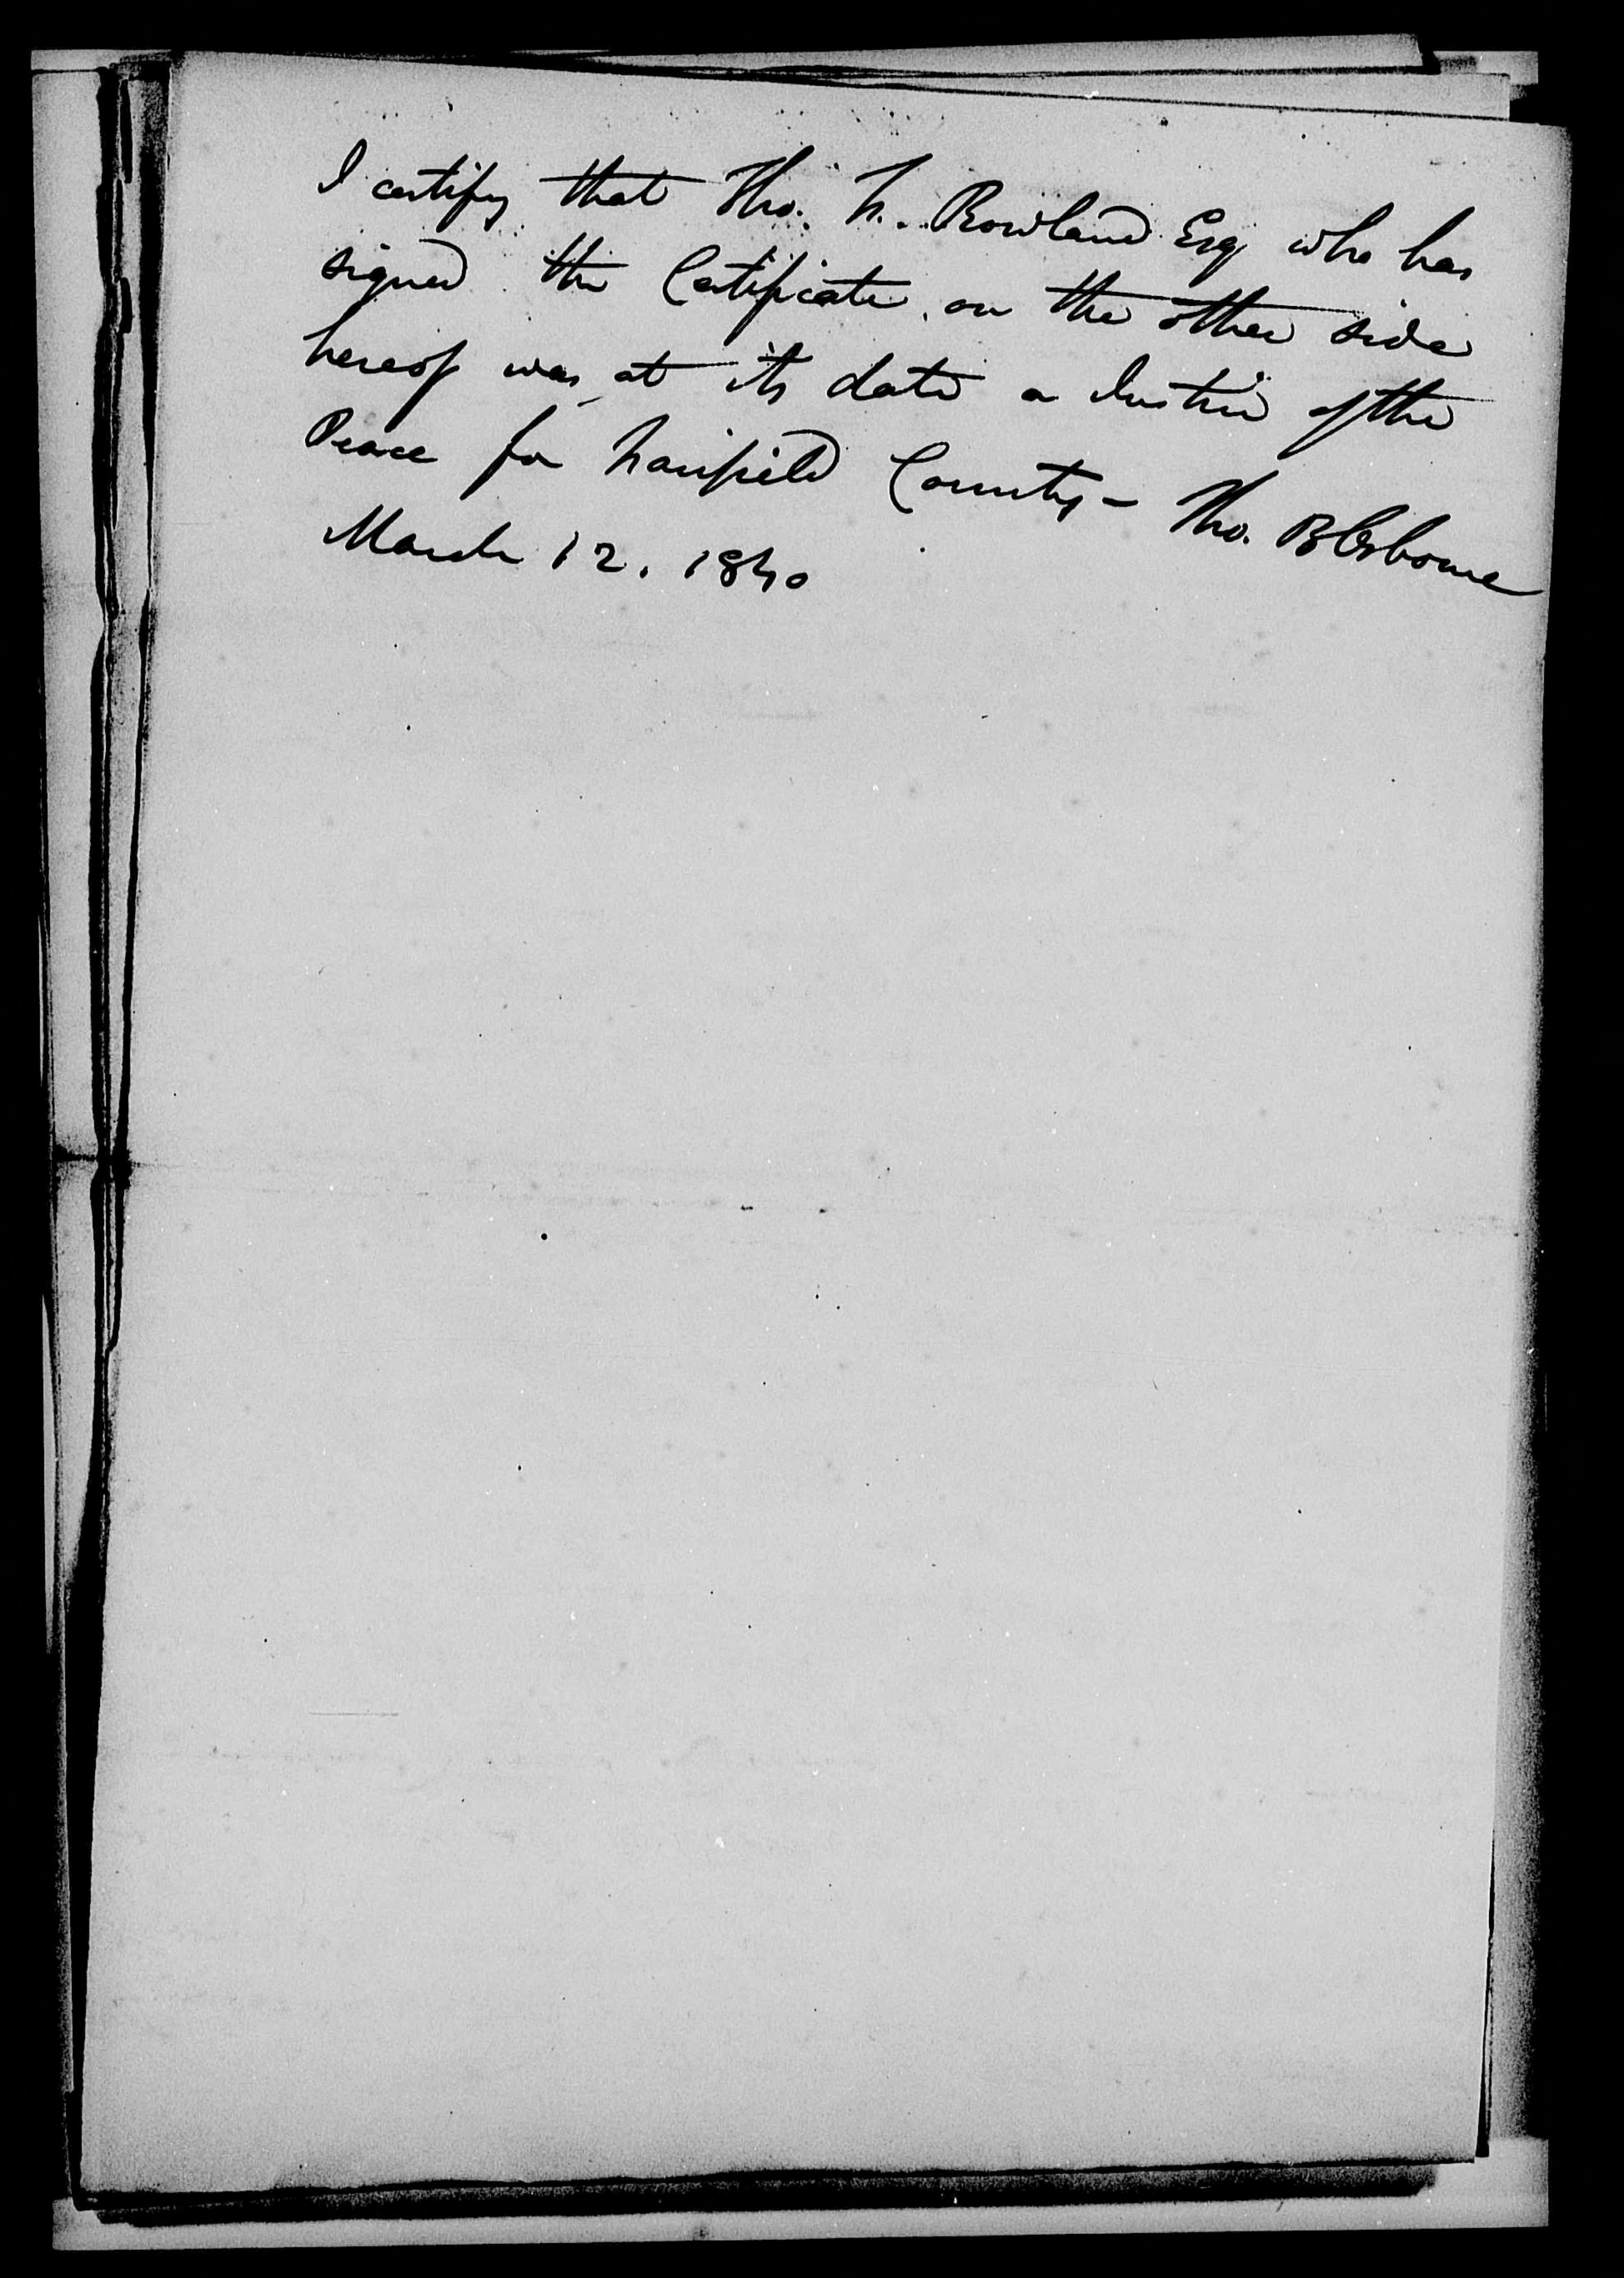I certify that Tho B Rowland Esq who has begun the certificate on the other side hereof we, at its date a Justice of the Peace for Fairfield County-

Tho B Osborne
March 12, 1840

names: Tho B Osborne, Tho F Rowland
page: 35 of 69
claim: widow's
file: W. 25562, Abijah Elwood, Conn.